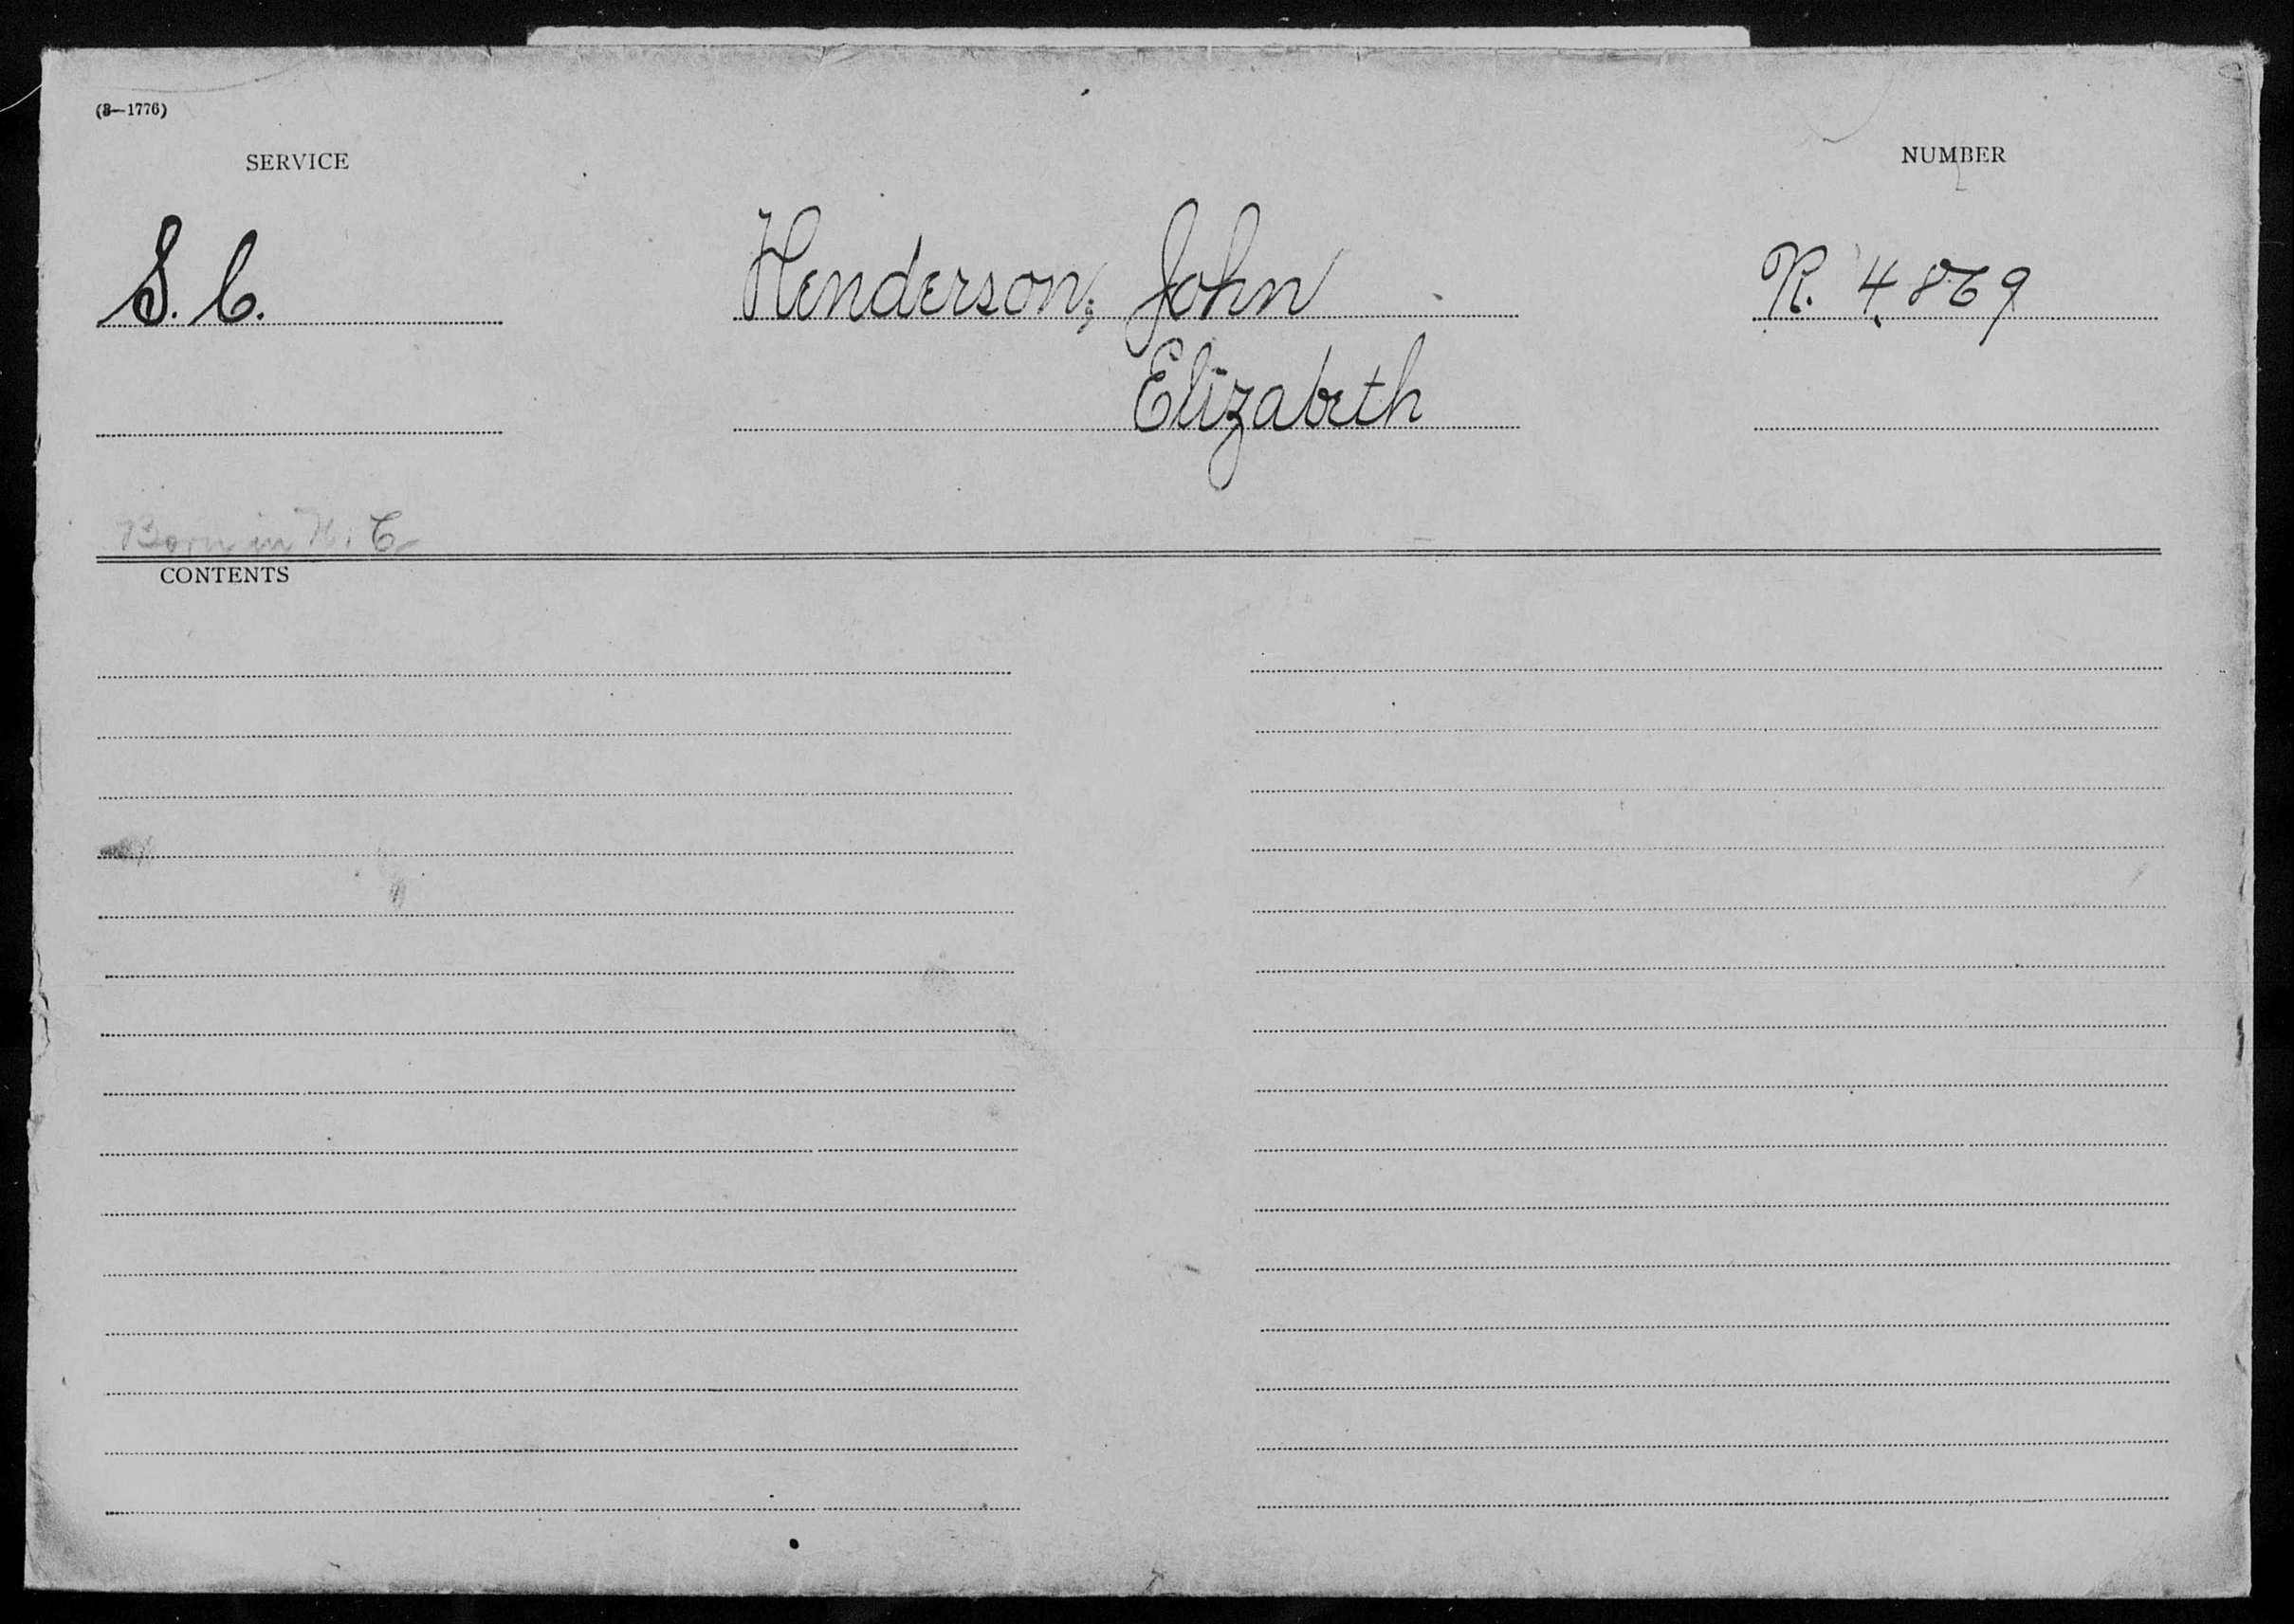(3 - 1776)

SERVICE
S. C.

Henderson, John
Elizabeth

NUMBER
R. 4869

Born in N. C
CONTENTS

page: 1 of 40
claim: rejected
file: R. 4,869, John Henderson, S.C.